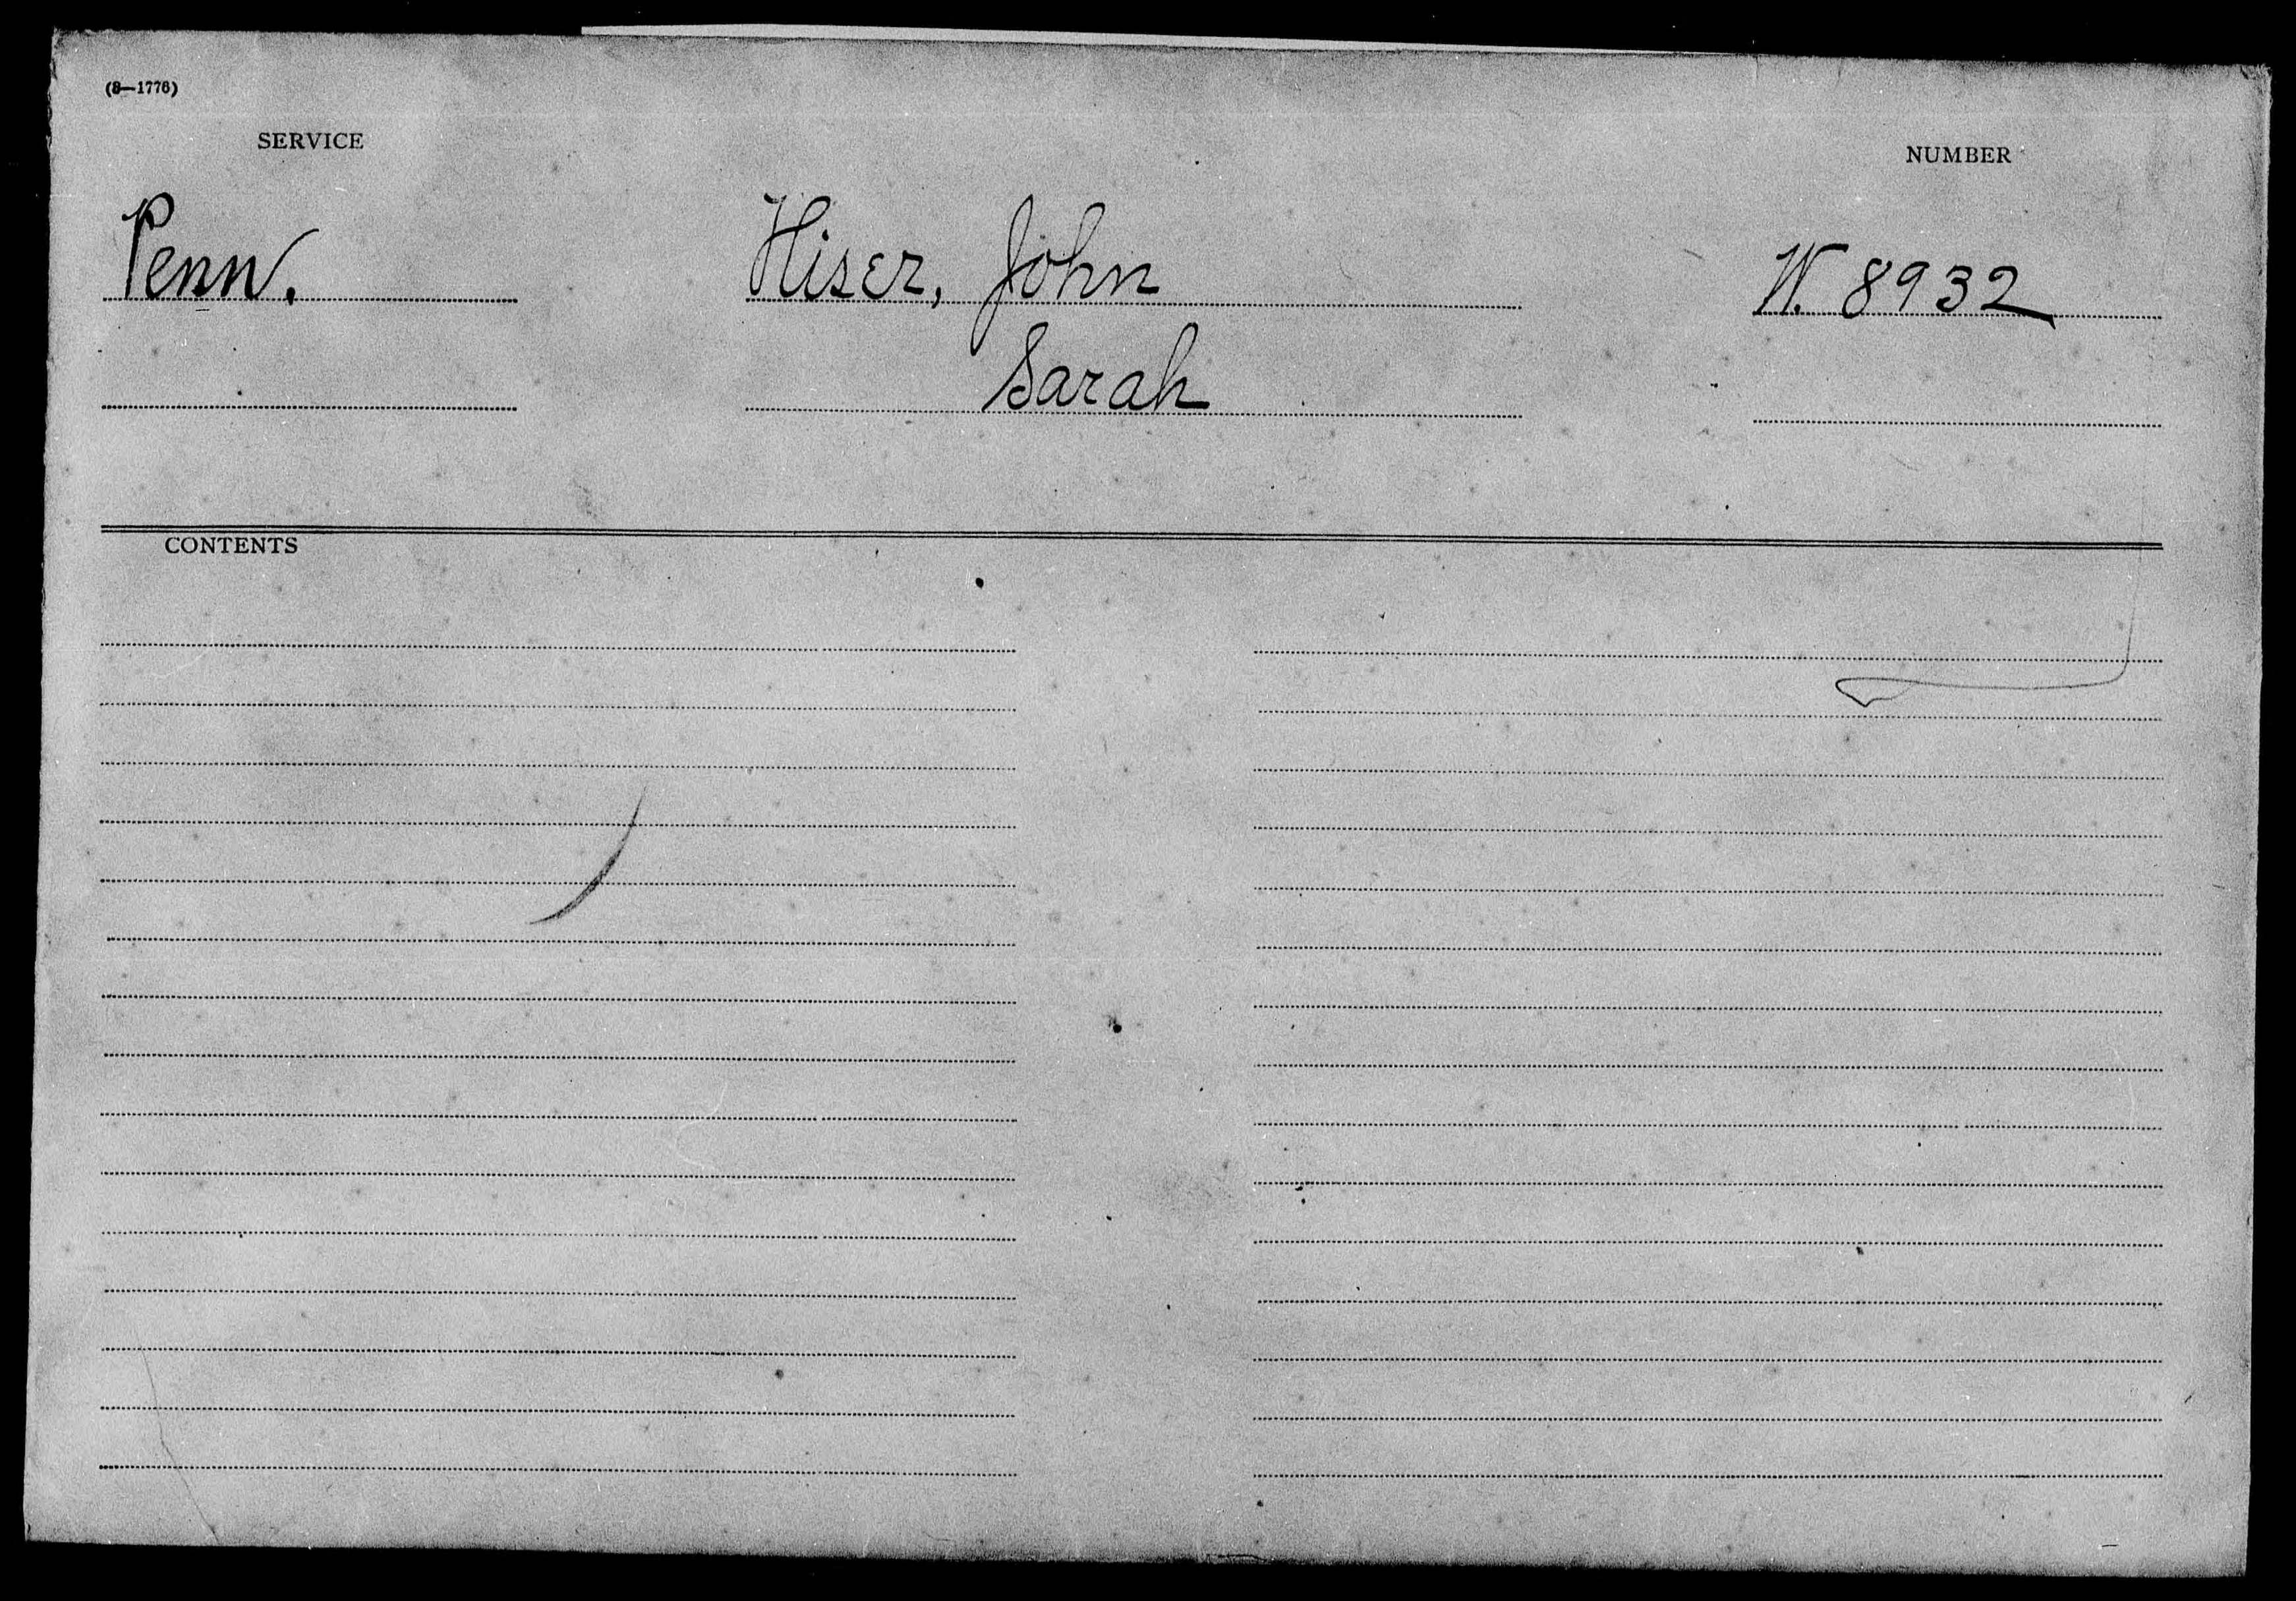(3-1776)

SERVICE

Penn.

NUMBER 
W. 8932

Hiser, John
Sarah
=======================
CONTENTS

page: 1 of 58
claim: widow's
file: W. 8932, John Hiser, Penn.